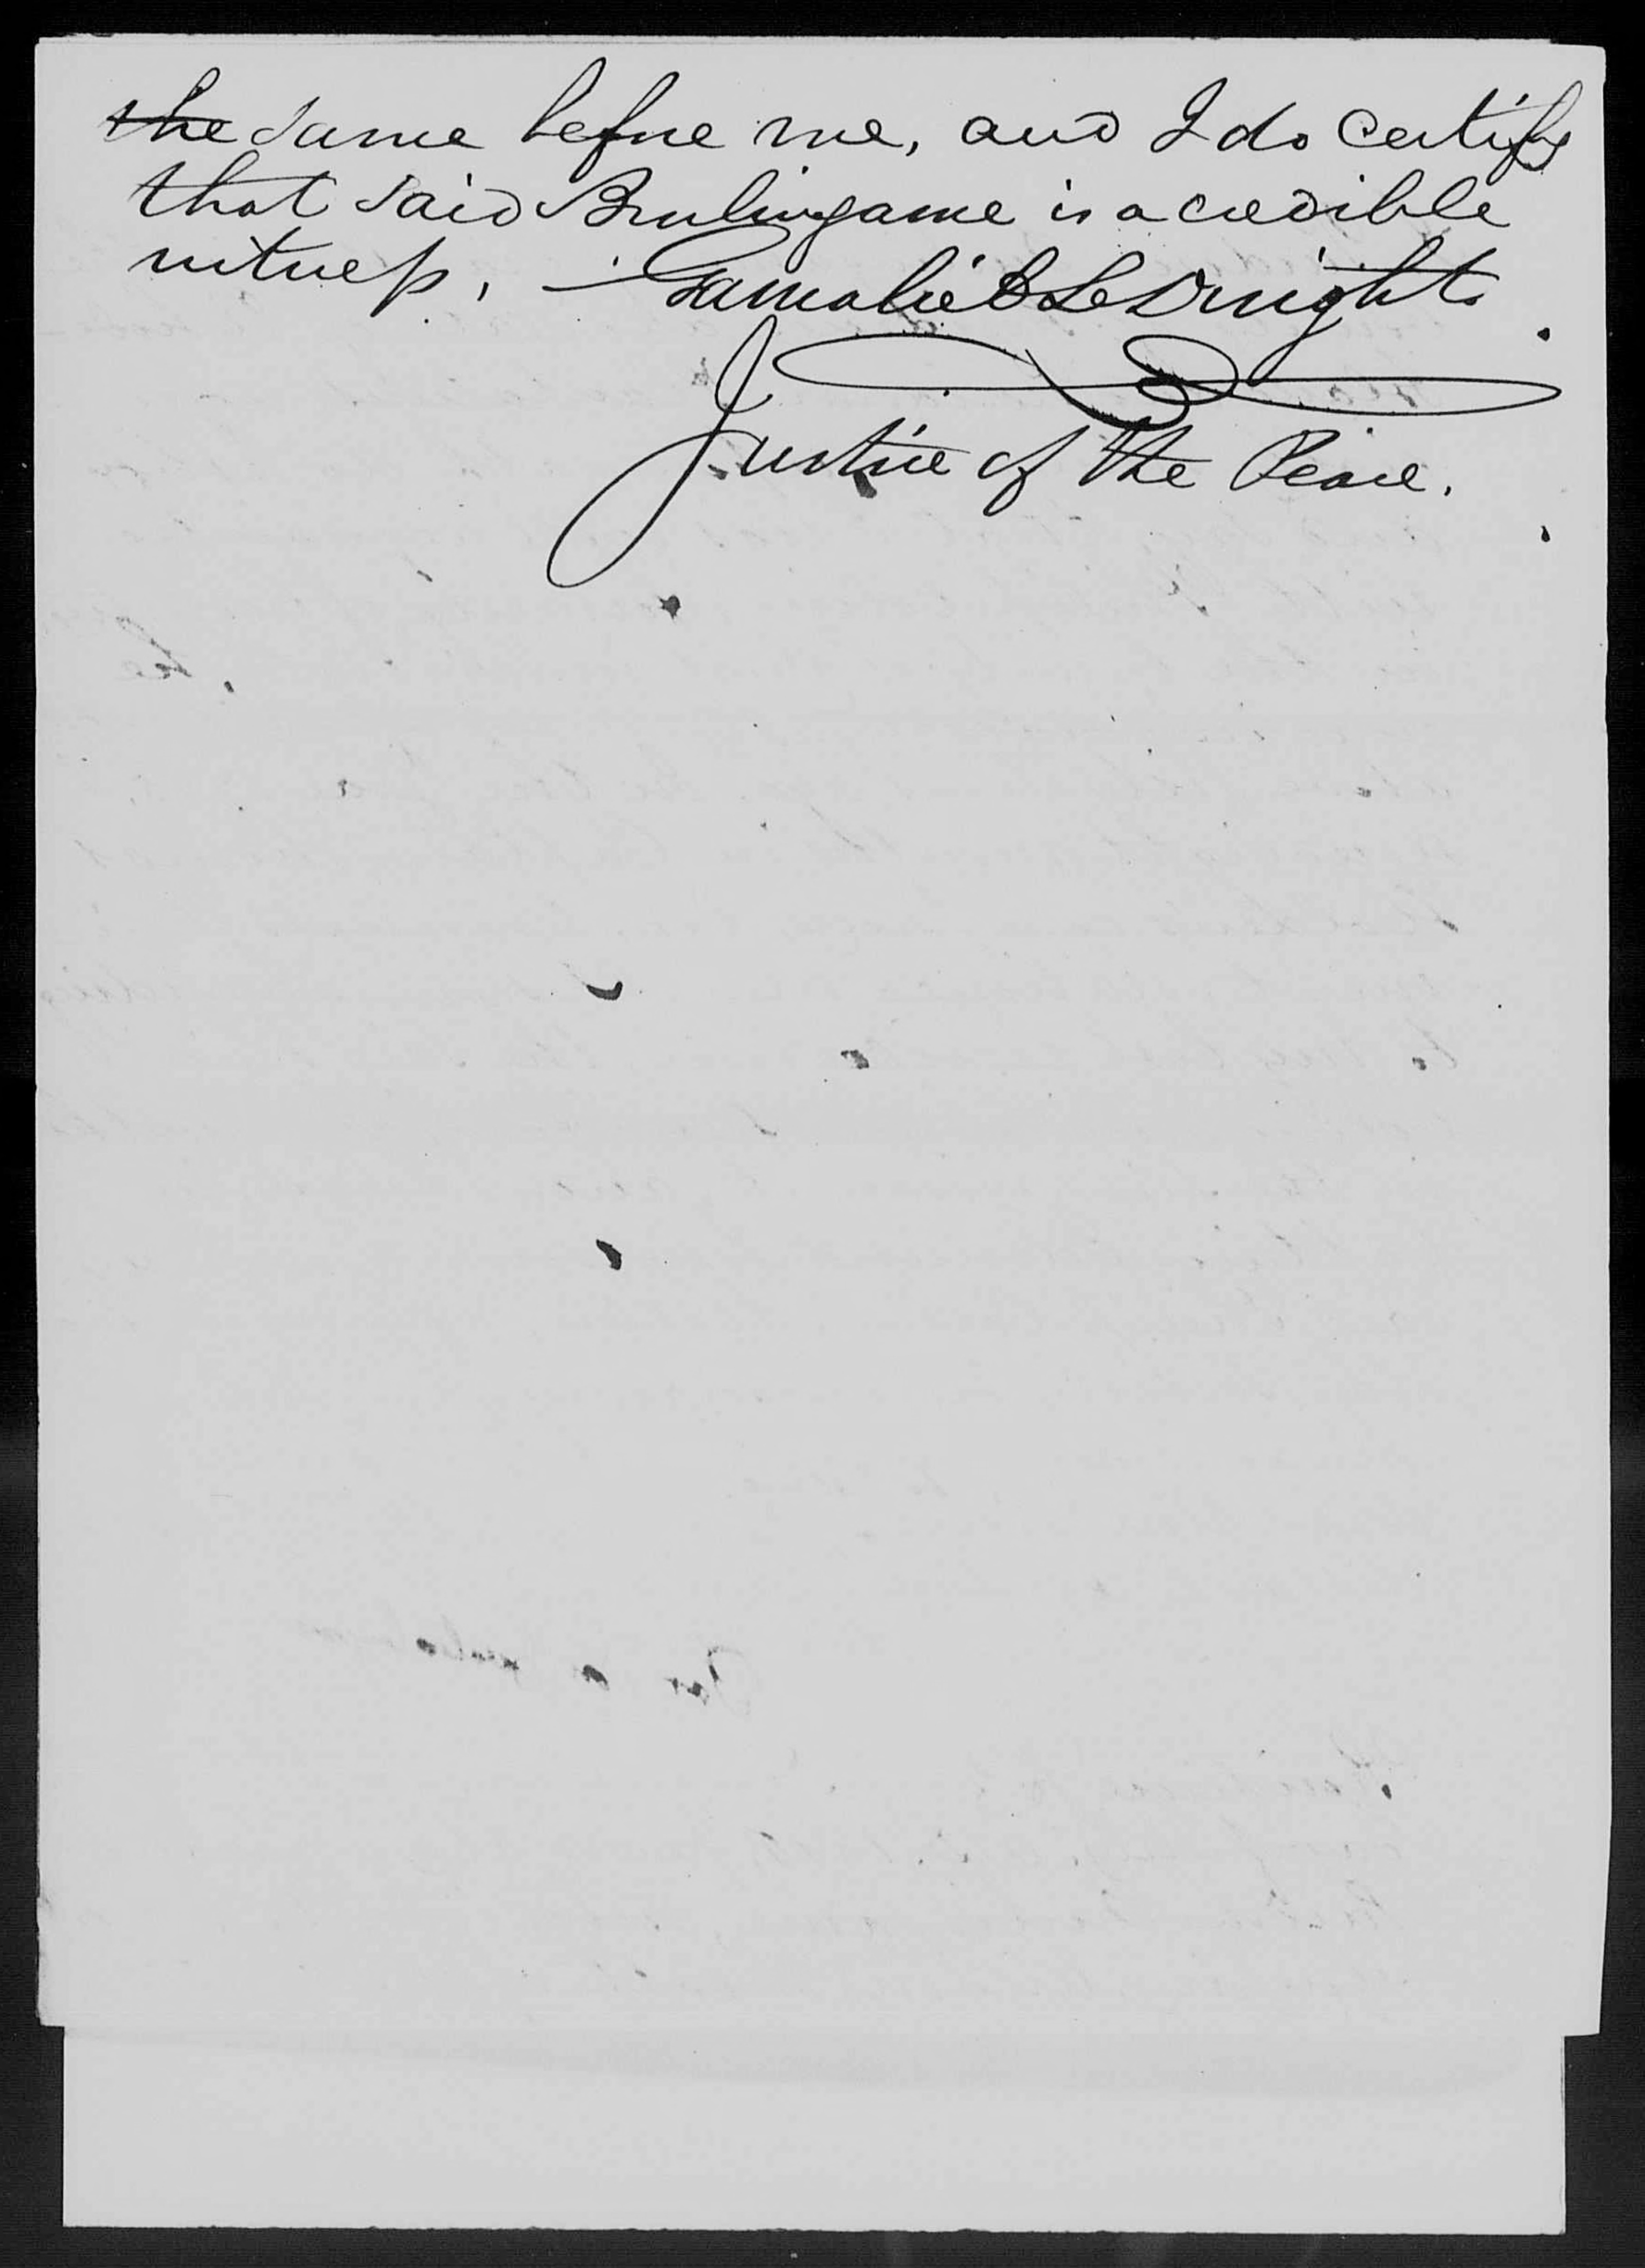the same before me and I do certify that said Burlingame is a credible witness. 
Gamaliel L. Dwight
Justice of the Peace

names: Burlingame, Gamaliel L Dwight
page: 38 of 41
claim: widow's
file: W. 3513, Philip Colvin, R.I.